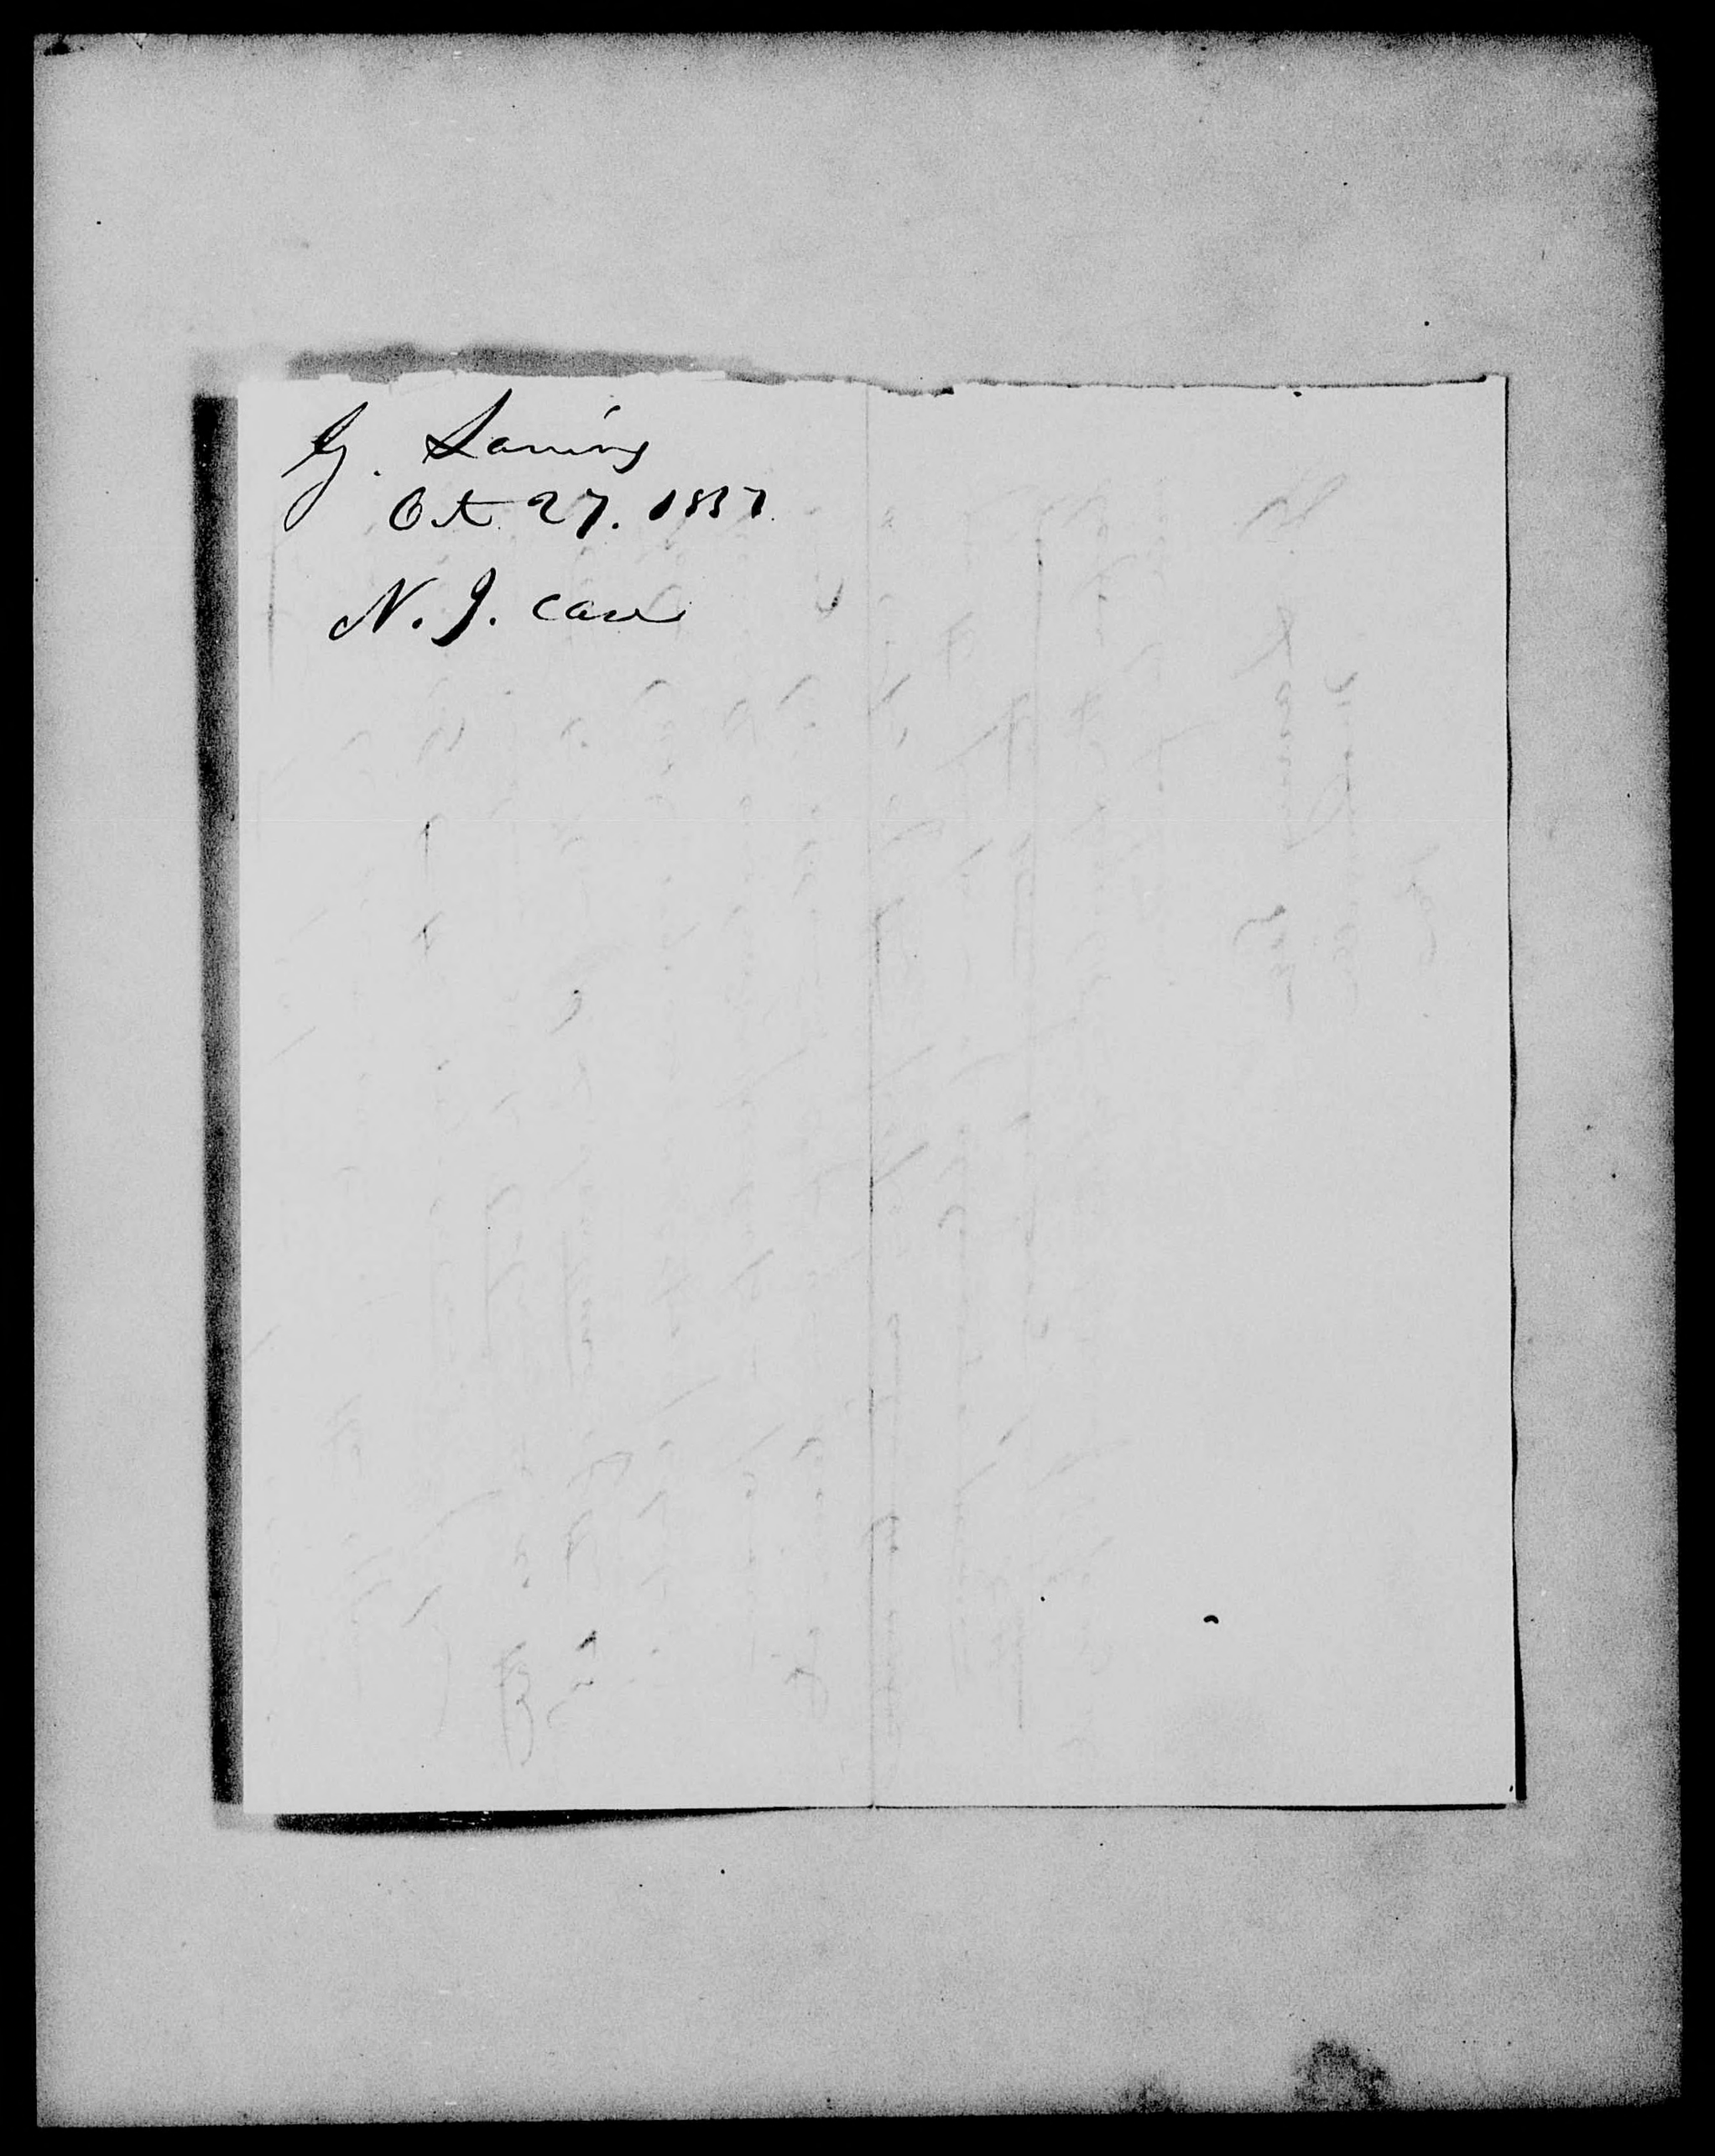G. Laning
Oct 27 1837
N. J. case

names: G Laning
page: 17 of 39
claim: rejected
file: R. 6154, for James Laning, New Jersey